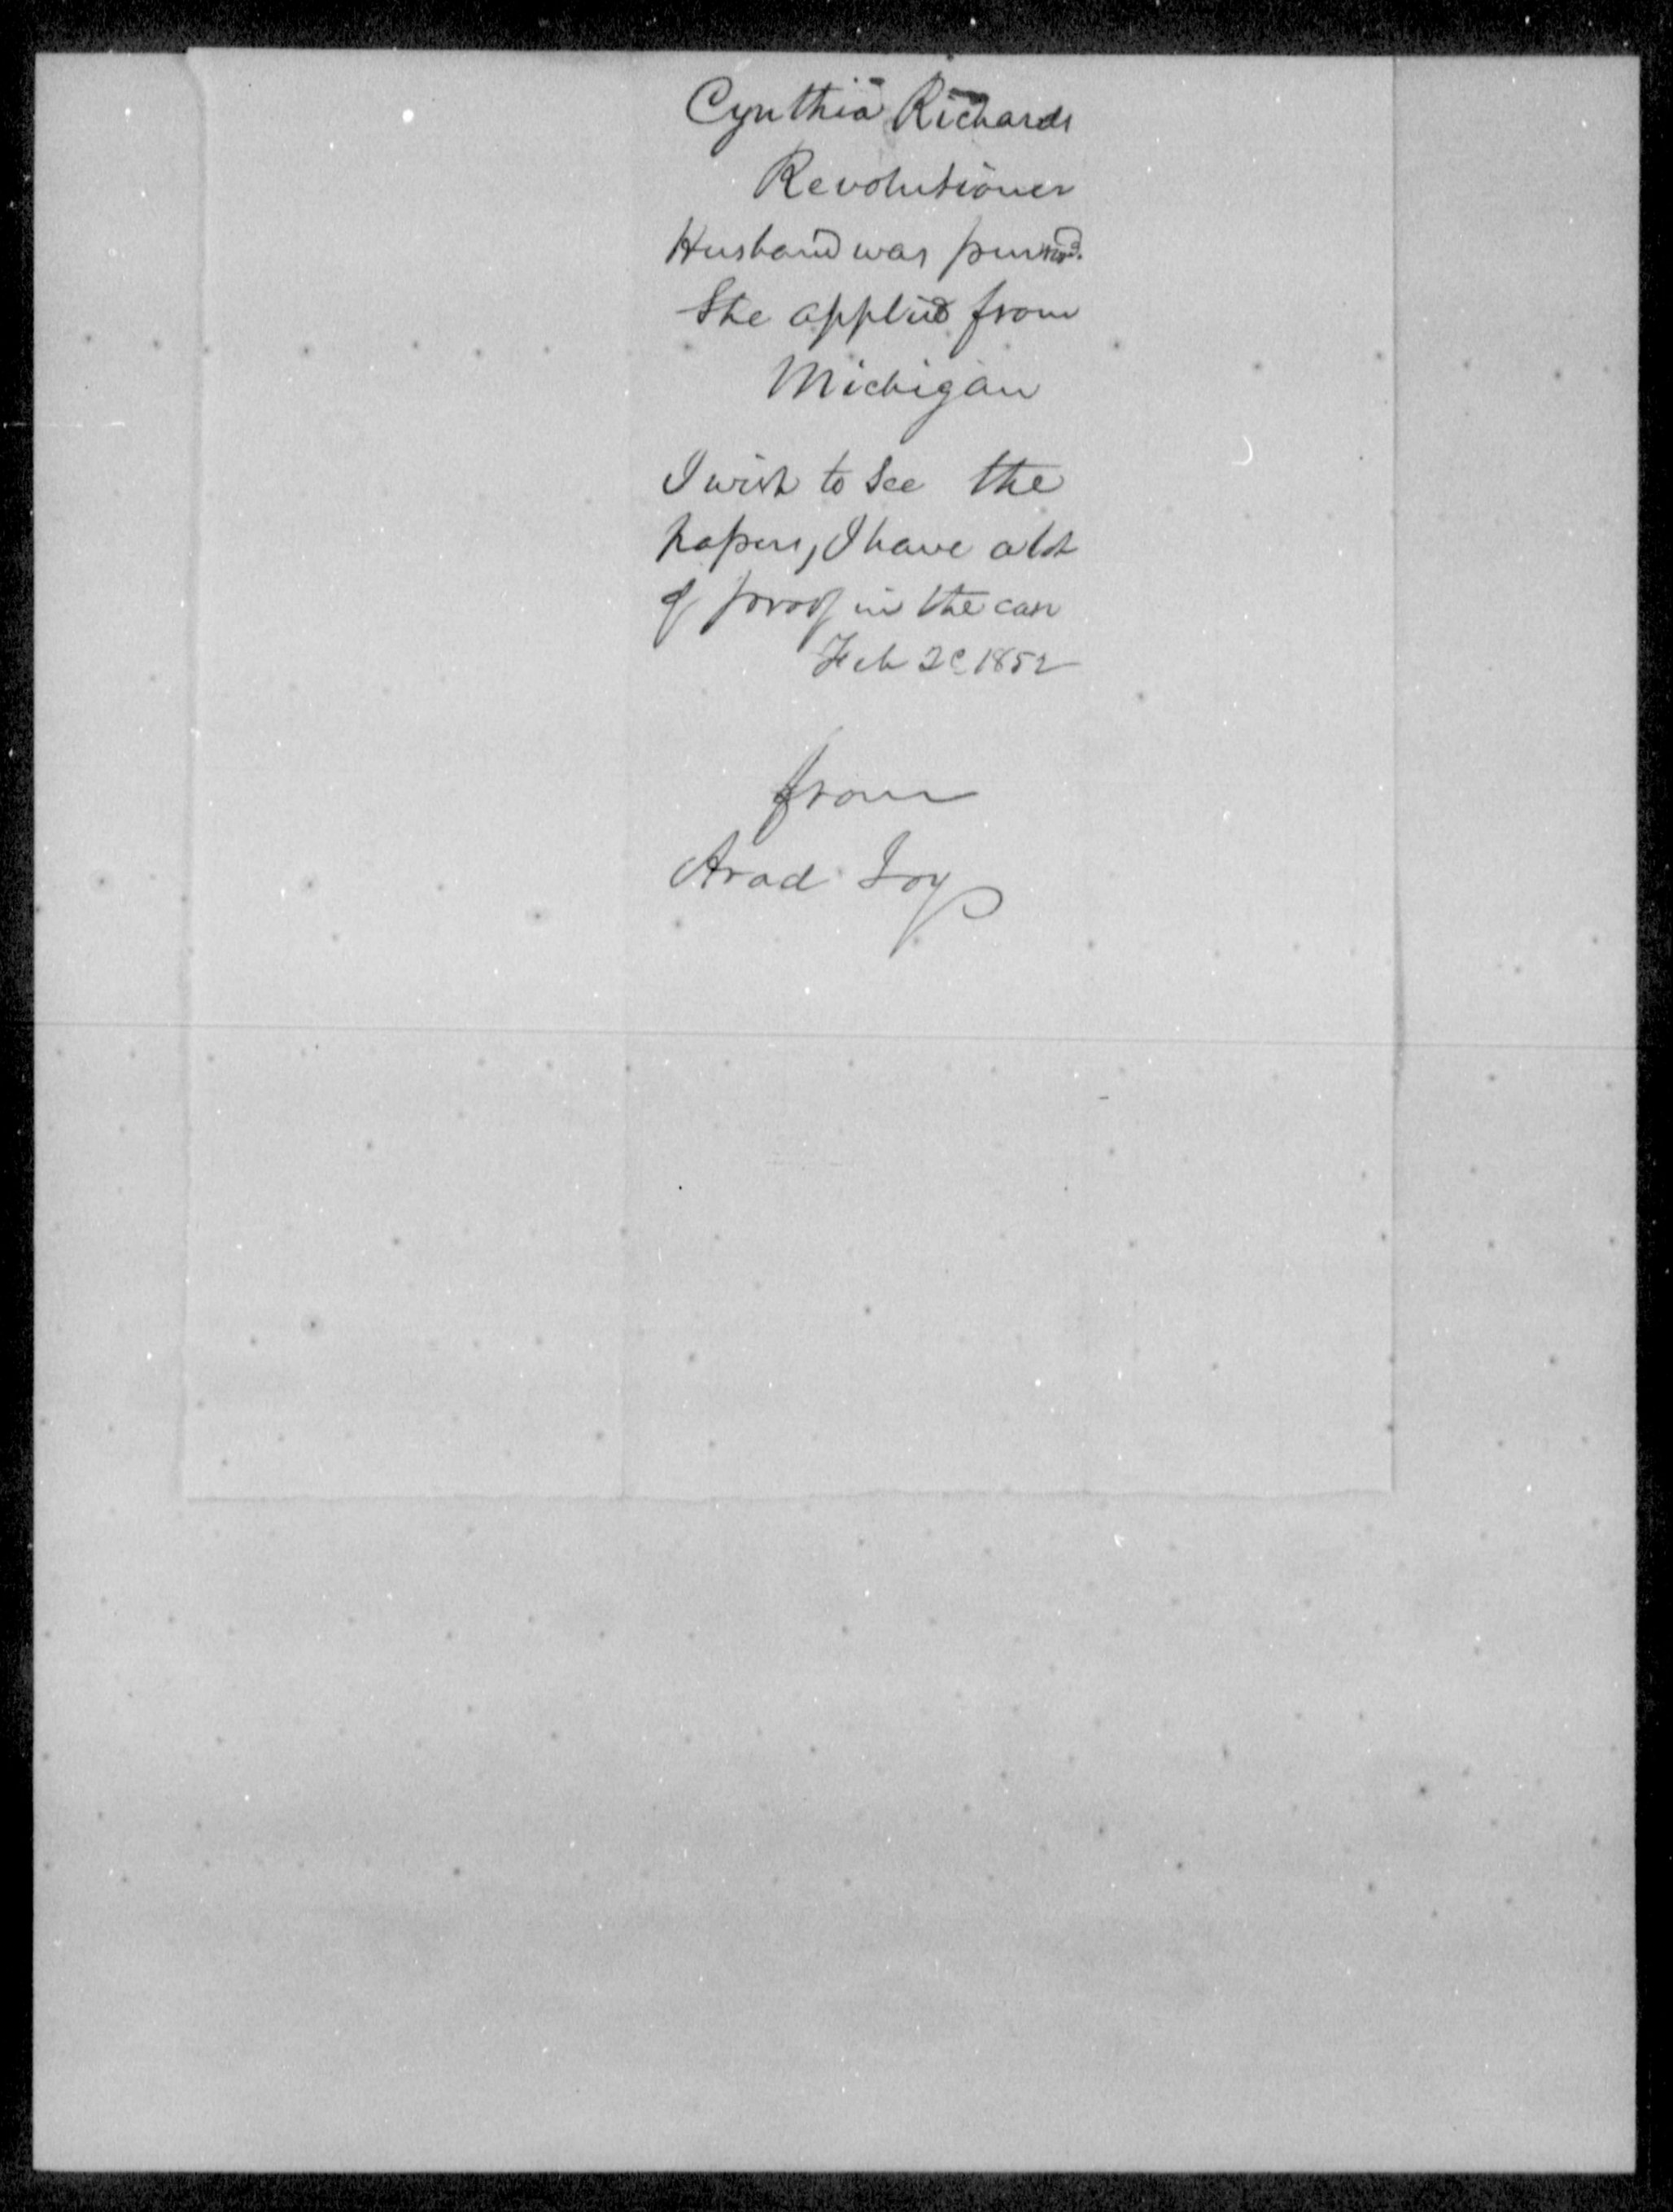Cynthia Richards
Revolutioner 
Husband was pensd. [PENSIONED] 
She applied from Michigan
I wish to see the papers, I have a lot of proof in the case Feb 2nd 1852
from
Arad Joy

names: Arad Joy; Cynthia Richards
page: 83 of 109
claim: widow's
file: W. 5709, for Thomas Richards, New Hampshire